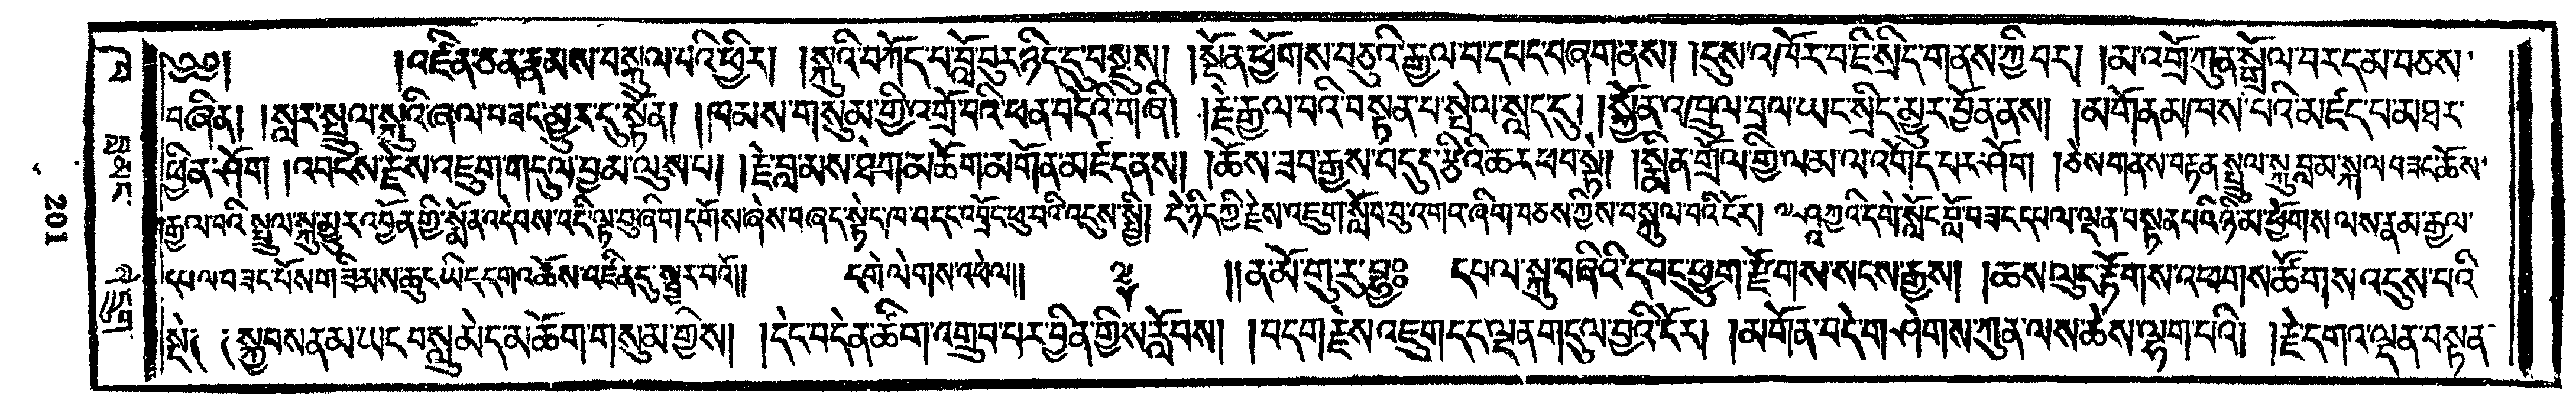༄༅། །འཛིན་ཅན་རྣམས་བསྐུལ་པའི་ཕྱིར། །སྐུའི་བཀོད་པ་བློ་བུར་ཉིད་དུ་བསྡུས། །སྔོན་ཕྱོགས་བཅུའི་རྒྱལ་བ་དབང་བཞག་ནས། །དུས་འཁོར་བ་ཇི་སྲིད་གནས་ཀྱི་བར། །མ་འགྲོ་ཀུན་སྒྲོལ་བར་དམ་བཅས་
བཞིན། །སླར་སྤྲུལ་སྐུའི་ཞལ་བཟང་མྱུར་དུ་སྟོན། །ཁམས་གསུམ་གྱི་འགྲོ་བའི་ཕན་བདེའི་གཞི། །རྗེ་རྒྱལ་བའི་བསྟན་པ་སྤེལ་སླད་དུ། །སྐྱོན་འཁྲུལ་བྲལ་ཡང་སྲིད་མྱུར་བྱོན་ནས། །མགོན་མཁས་པའི་མཛད་པ་མཐར་
ཕྱིན་ཤོག །འབངས་རྗེས་འཇུག་གདུལ་བྱ་མ་ལུས་པ། །རྗེ་བླ་མས་ཐེག་མཆོག་མགོན་མཛད་ནས། །ཆོས་ཟབ་རྒྱས་བདུད་རྩིའི་ཆར་ཕབ་སྟེ། །སྨིན་གྲོལ་གྱི་ལམ་ལ་འགོད་པར་ཤོག །ཅེས་གནས་བརྟན་སྤྲུལ་སྐུ་བླ་མ་སྐལ་བཟང་ཆོས་
རྒྱལ་བའི་སྤྲུལ་སྐུ་མྱུར་འབྱོན་གྱི་སྨོན་འདེབས་འདི་ལྟ་བུ་ཞིག་དགོས་ཞེས་བཞད་སྟེང་ཁ་བ་དང་འབྲོང་ཕུ་བའི་འདུས་སྤྱི། དེ་ཉིད་ཀྱི་རྗེས་འཇུག་སློབ་བུ་འགའ་ཞིག་བཅས་ཀྱིས་བསྐུལ་བའི་ངོར། ༧་ཤཱཀྱའི་དགེ་སློང་བློ་བཟང་དཔལ་ལྡན་བསྟན་པའི་ཉི་མ་ཕྱོགས་ལས་རྣམ་རྒྱལ་
དཔལ་བཟང་པོས་གཟིམས་ཆུང་ཡིད་དགའ་ཆོས་འཛིན་དུ་སྦྱར་བའོ།། དགེ་ལེགས་འཕེལ།། ༈ །།ན་མོ་གུ་རུ་བྷྱཿ དཔལ་སྐུ་བཞིའི་དབང་ཕྱུག་རྫོགས་སངས་རྒྱས། །ཆས་ལུང་རྟོགས་འཕགས་ཚོགས་འདུས་པའི་
སྡེ༑ ༑སྐྱབས་ནམ་ཡང་བསླུ་མེད་མཆོག་གསུམ་གྱིས། །དེང་བདེན་ཚིག་འགྲུབ་པར་བྱིན་གྱིས་རློབས། །བདག་རྗེས་འཇུག་དང་ལྡན་གདུལ་བྱའི་ངོར། །མགོན་བདེ་གཤེགས་ཀུན་ལས་ཆེས་ལྷག་པའི། །རྗེ་དགའ་ལྡན་བསྟན་